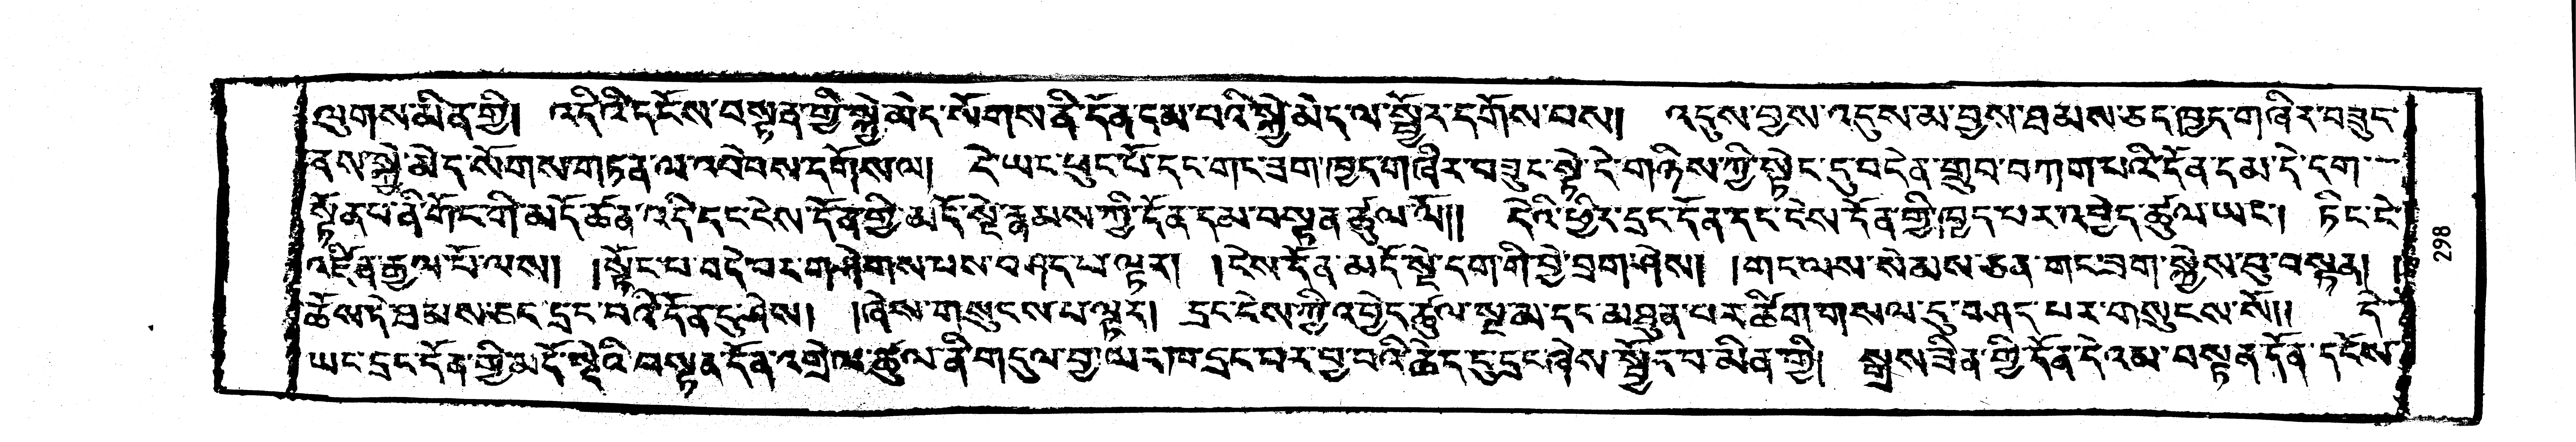ལུགས་མིན་གྱི། འདིའི་དངོས་བསྟན་གྱི་སྐྱེ་མེད་སོགས་ནི་དོན་དམ་པའི་སྐྱེ་མེད་ལ་སྦྱོར་དགོས་བས། འདུས་བྱས་འདུས་མ་བྱས་ཐམས་ཅད་ཁྱད་གཞིར་བཟུང་
ནས་སྐྱེ་མེད་སོགས་གཏན་ལ་འབེབས་དགོས་ལ། དེ་ཡང་ཕུང་པོ་དང་གང་ཟག་ཁྱད་གཞིར་བཟུང་སྟེ་དེ་གཉིས་ཀྱི་སྟེང་དུ་བདེན་གྲུབ་བཀག་པའི་དོན་དམ་དེ་དག་
སྟོན་པ་ནི་གོང་གི་མདོ་ཚན་འདི་དང་ངེས་དོན་གྱི་མདོ་སྡེ་རྣམས་ཀྱི་དོན་དམ་བསྟན་ཚུལ་ལོ། །དེའི་ཕྱིར་དྲང་དོན་དང་ངེས་དོན་གྱི་ཁྱད་པར་འབྱེད་ཚུལ་ཡང་། ཏིང་ངེ་
འཛིན་རྒྱལ་པོ་ལས། །སྟོང་པ་བདེ་བར་གཤེགས་པས་བཤད་པ་ལྟར། །ངེས་དོན་མདོ་སྡེ་དག་གི་བྱེ་བྲག་ཤེས། །གང་ལས་སེམས་ཅན་གང་ཟག་སྐྱེས་བུ་བསྟན། །
ཆོས་དེ་ཐམས་ཅད་དྲང་བའི་དོན་དུ་ཤེས། །ཞེས་གསུངས་པ་ལྟར། དྲང་ངེས་ཀྱི་འབྱེད་ཚུལ་སྔ་མ་དང་མཐུན་པར་ཚིག་གསལ་དུ་བཤད་པར་གསུངས་སོ། །དེ་
ཡང་དྲང་དོན་གྱི་མདོ་སྡེའི་བསྟན་དོན་འགྲེལ་ཚུལ་ནི་གདུལ་བྱ་ལར་ཁ་དྲང་བར་བྱ་བའི་ཆེད་དུ་དྲང་ཞེས་སྦྱོར་བ་མིན་གྱི། སྒྲས་ཟིན་གྱི་དོན་དེའམ་བསྟན་དོན་དངོས་